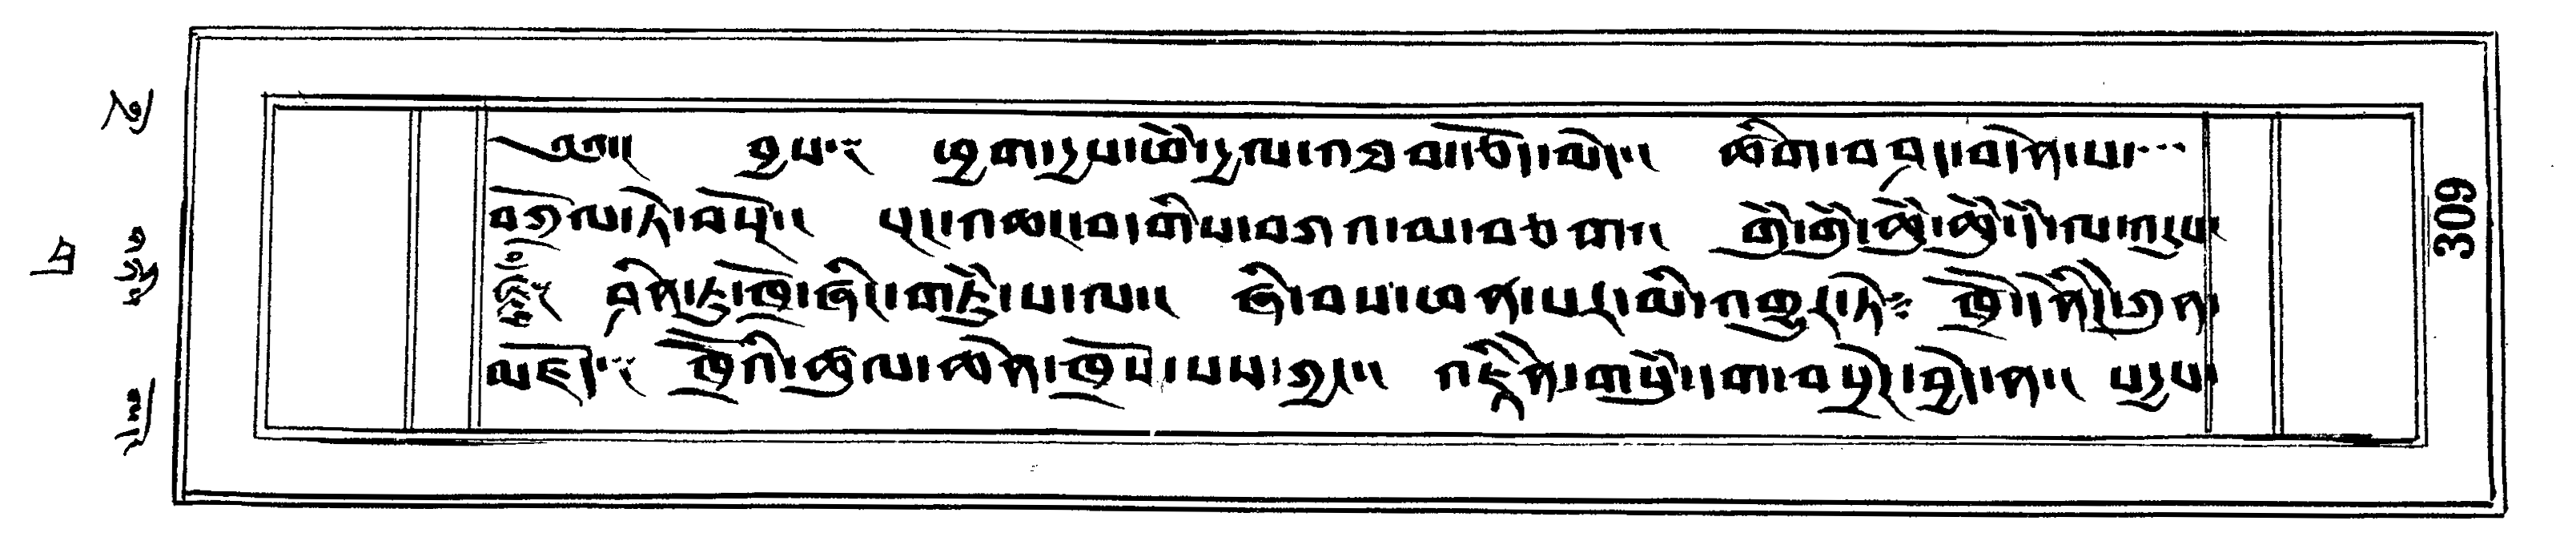བྱས། །ཕྱག་རྒྱས་ཕམ་རྒྱལ་འཐབ་རྩོད་མེད། །ཚིག་བཤད་བདེན་པས་
བཀྲོལ་ཏེ་བསྔོ། །སྔགས་འཆང་བདག་གི་བཀའ་མ་བཅག །གུམ་གུམ་ཆུམ་ཆུམ་དམ་ལ་འདུས། 
ཧཱུྃ། ཤིན་ཏུ་ཁྲོས་ཞིང་གཏུམ་པ་ལ། །ཞི་བས་ཕན་པར་མི་འགྱུར་ཏེ། ཁྲོ་བོ་དེ་བཞིན་གཤེགས་ཀུན་
མཛད། ཁྲོ་བོའི་ཚུལ་ཆེན་ཁྲོས་པས་ཀྱང་། །འཇིག་རྟེན་གསུམ་དག་བསྲེགས་བྱེད་ན། །སངས་རྒྱས